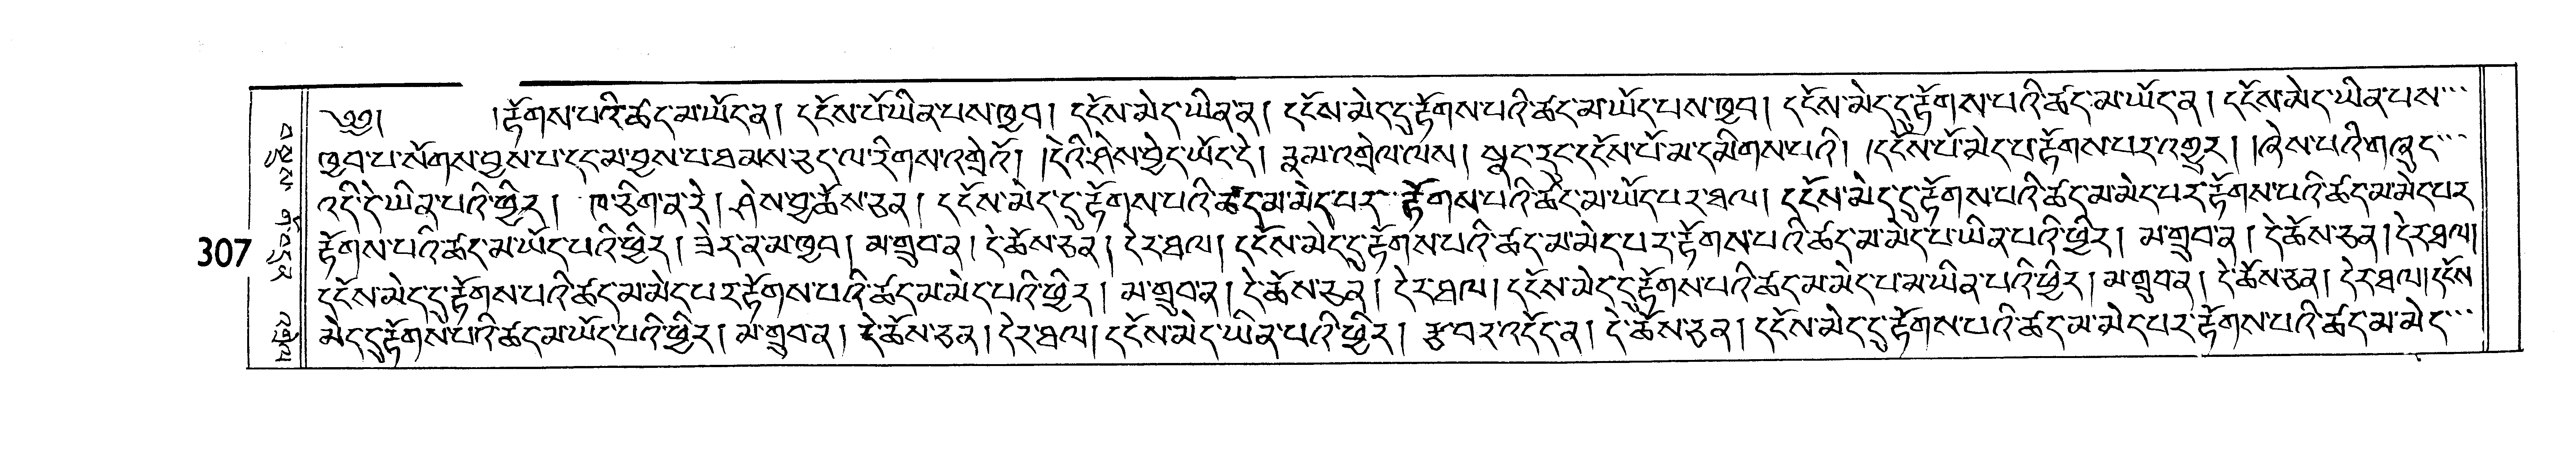༄༅། །རྟོགས་པའི་ཚད་མ་ཡོད་ན། དངོས་པོ་ཡིན་པས་ཁྱབ། དངོས་མེད་ཡིན་ན། དངོས་མེད་དུ་རྟོགས་པའི་ཚད་མ་ཡོད་པས་ཁྱབ། དངོས་མེད་དུ་རྟོགས་པའི་ཚད་མ་ཡོད་ན། དངོས་མེད་ཡིན་པས་
ཁྱབ་པ་སོགས་བྱས་པ་དང་མ་བྱས་པ་ཐམས་ཅད་ལ་རིགས་འགྲེའོ། །དེའི་ཤེས་བྱེད་ཡོད་དེ། རྣམ་འགྲེལ་ལས། སྣང་རུང་དངོས་པོ་མ་དམིགས་པའི། །དངོས་པོ་མེད་པ་རྟོགས་པར་འགྱུར། །ཞེས་པའི་གཞུང་
འདི་དེ་ཡིན་པའི་ཕྱིར། ཁ་ཅིག་ན་རེ། ཤེས་བྱ་ཆོས་ཅན། དངོས་མེད་དུ་རྟོགས་པའི་ཚད་མ་མེད་པར་རྟོགས་པའི་ཚད་མ་ཡོད་པར་ཐལ། དངོས་མེད་དུ་རྟོགས་པའི་ཚད་མ་མེད་པར་རྟོགས་པའི་ཚད་མ་མེད་པར་
རྟོགས་པའི་ཚད་མ་ཡོད་པའི་ཕྱིར། ཟེར་ན་མ་ཁྱབ། མ་གྲུབ་ན། དེ་ཆོས་ཅན། དེར་ཐལ། དངོས་མེད་དུ་རྟོགས་པའི་ཚད་མ་མེད་པར་རྟོགས་པའི་ཚད་མ་མེད་པ་ཡིན་པའི་ཕྱིར། མ་གྲུབ་ན། དེ་ཆོས་ཅན། དེར་ཐལ།
དངོས་མེད་དུ་རྟོགས་པའི་ཚད་མ་མེད་པར་རྟོགས་པའི་ཚད་མ་མེད་པའི་ཕྱིར། མ་གྲུབ་ན། དེ་ཆོས་ཅན། དེར་ཐལ། དངོས་མེད་དུ་རྟོགས་པའི་ཚད་མ་མེད་པ་མ་ཡིན་པའི་ཕྱིར། མ་གྲུབ་ན། དེ་ཆོས་ཅན། དེར་ཐལ། དངོས་
མེད་དུ་རྟོགས་པའི་ཚད་མ་ཡོད་པའི་ཕྱིར། མ་གྲུབ་ན། དེ་ཆོས་ཅན། དེར་ཐལ། དངོས་མེད་ཡིན་པའི་ཕྱིར། རྩ་བར་འདོད་ན། དེ་ཆོས་ཅན། དངོས་མེད་དུ་རྟོགས་པའི་ཚད་མ་མེད་པར་རྟོགས་པའི་ཚད་མ་མེད་